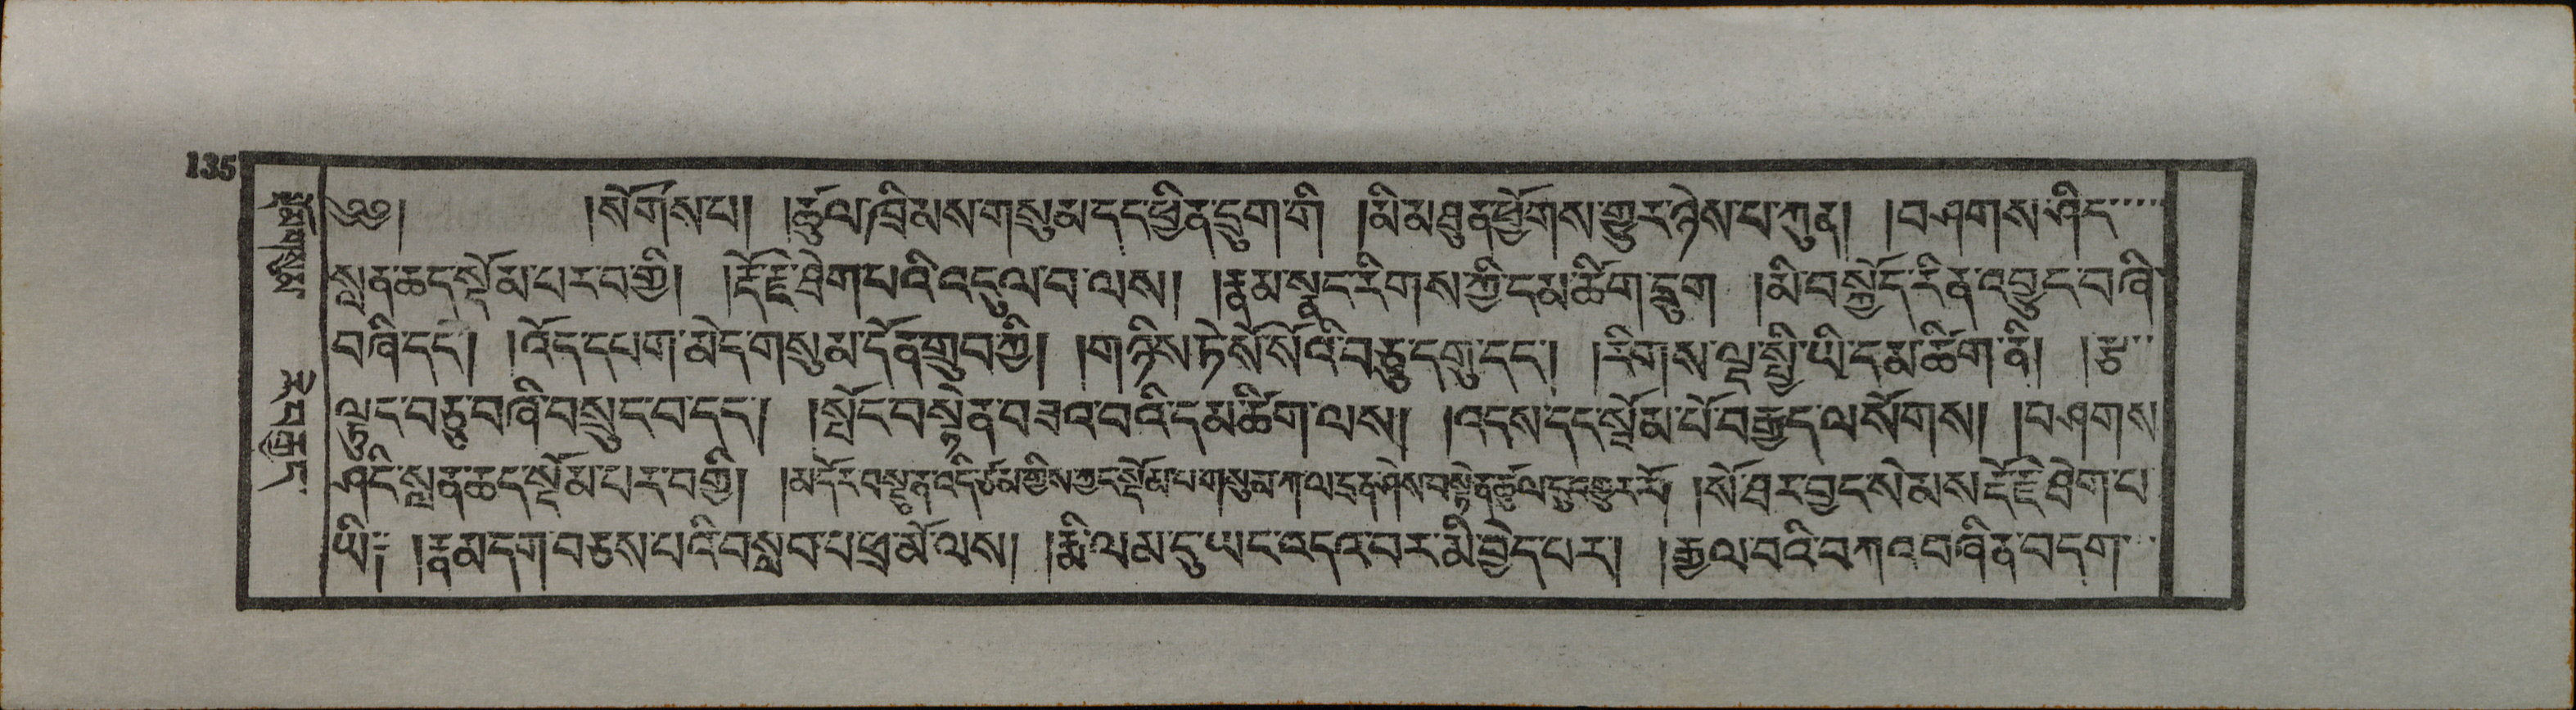༄༅། །སོགས་པ། །ཚུལ་ཁྲིམས་གསུམ་དང་ཕྱིན་དྲུག་གི །མི་མཐུན་ཕྱོགས་གྱུར་ཉེས་པ་ཀུན། །བཤགས་ཤིང་
སླན་ཆད་སྡོམ་པར་བགྱི། །རྡོ་རྗེ་ཐེག་པའི་འདུལ་བ་ལས། །རྣམ་སྣང་རིགས་ཀྱི་དམ་ཚིག་དྲུག །མི་བསྐྱོད་རིན་འབྱུང་བཞི་
བཞི་དང་། །འོད་དཔག་མེད་གསུམ་དོན་གྲུབ་ཀྱི། །གཉིས་ཏེ་སོ་སོའི་བཅུ་དགུ་དང་། །རིགས་ལྔ་སྤྱི་ཡི་དམ་ཚིག་ནི། །རྩ་
ལྟུང་བཅུ་བཞི་བསྲུང་བ་དང་། །སྤོང་བསྟེན་བཟའ་བའི་དམ་ཚིག་ལས། །འདས་དང་སྦོམ་པོ་བརྒྱད་ལ་སོགས། །བཤགས་
ཤིང་སླན་ཆད་སྡོམ་པར་བགྱི། །མདོར་བསྡུ་ན་འདི་ཙམ་གྱིས་ཀྱང་སྡོམ་པ་གསུམ་ཀ་ལ་དྲན་ཤེས་བསྟེན་ཚུལ་དུ་འགྱུར་རོ། །སོ་ཐར་བྱང་སེམས་རྡོ་རྗེ་ཐེག་པ་
ཡི༑ །རྣམ་དག་བཅས་པའི་བསླབ་པ་ཕྲ་མོ་ལས། །རྨི་ལམ་དུ་ཡང་འདའ་བར་མི་བྱེད་པར། །རྒྱལ་བའི་བཀའ་བཞིན་བདག་